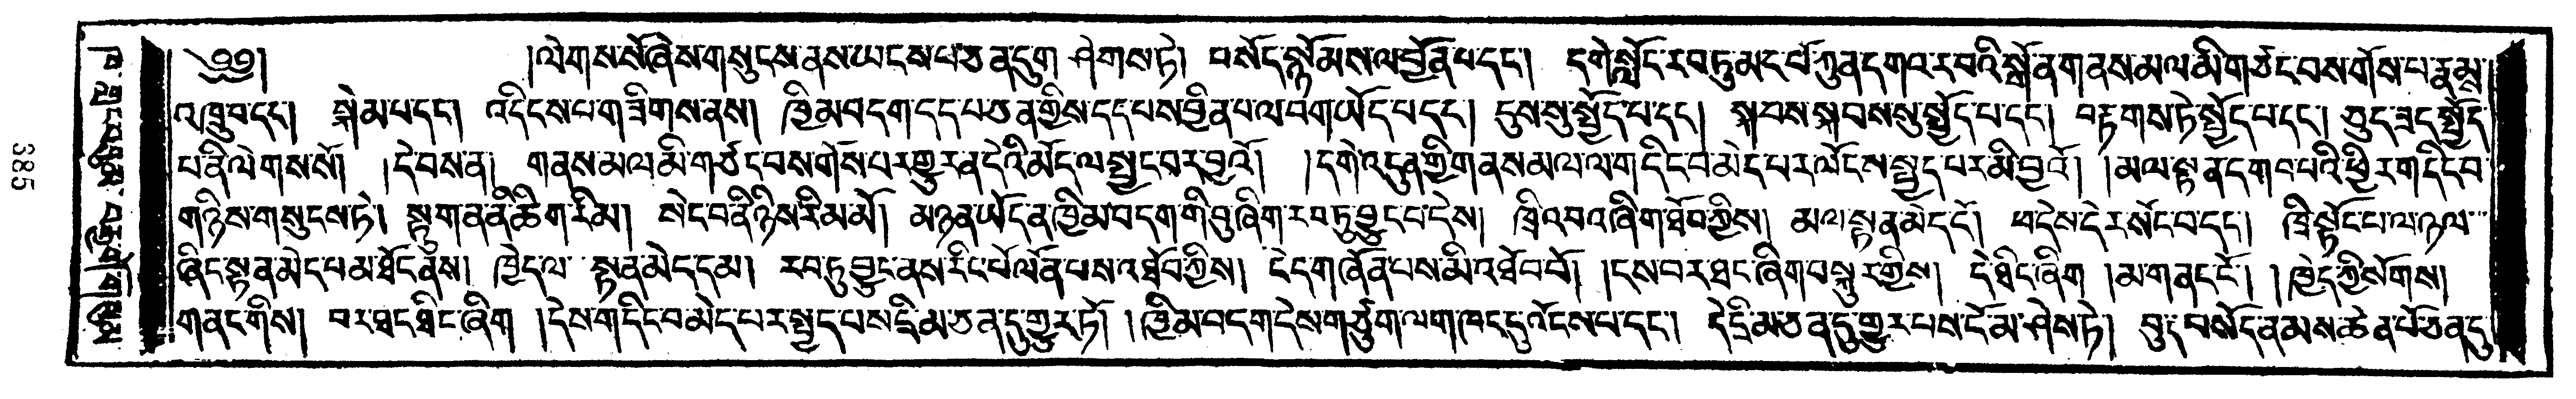༄༅། །ལེགས་སོ་ཞེས་གསུངས་ནས་ཡངས་པ་ཅན་དུ་གཤེགས་ཏེ། བསོད་སྙོམས་ལ་བྱོན་པ་དང་། དགེ་སློང་རབ་ཏུ་མང་པོ་ཀུན་དགའ་ར་བའི་སྒོ་ན་གནས་མལ་མི་གཙང་བས་གོས་པ་རྣམས་
འཁྲུ་བ་དང་། སྐེམ་པ་དང་། འདིངས་པ་གཟིགས་ནས། ཁྱིམ་བདག་དད་པ་ཅན་གྱིས་དད་པས་བྱིན་པ་ལ་བག་ཡོད་པ་དང་། དུས་སུ་སྤྱོད་པ་དང་། སྐབས་སྐབས་སུ་སྤྱོད་པ་དང་། བརྟགས་ཏེ་སྤྱོད་པ་དང་། ཅུང་ཟད་སྤྱོད་
པ་ནི་ལེགས་སོ། །དེ་བས་ན། གནས་མལ་མི་གཙང་བས་གོས་པར་གྱུར་ན་དེའི་མོད་ལ་སྤྱང་བར་བྱའོ། །དགེ་འདུན་གྱི་གནས་མལ་ལ་གདིང་བ་མེད་པར་ལོངས་སྤྱད་པར་མི་བྱའོ། །མལ་སྟ་ན་དགབ་པའི་ཕྱིར་གདིང་བ་
གཉིས་གསུངས་ཏེ། སྟུག་ན་ནི་ཚིག་རིམ། སེང་བ་ནི་ཉིས་རིམ་མོ། མཉན་ཡོད་ན་ཁྱིམ་བདག་གི་བུ་ཞིག་རབ་ཏུ་བྱུང་བ་དེས། ཁྲི་འབའ་ཞིག་ཐོབ་ཀྱིས། མལ་སྟན་མེད་དོ། ཕ་དེས་དེར་སོང་བ་དང་། ཁྲི་སྟོང་པ་ལ་ཉལ་
ཞིང་སྟན་མེད་པ་མཐོང་ནས། ཁྱེད་ལ་སྟན་མེད་དམ། རབ་ཏུ་བྱུང་ནས་རིང་པོ་ལོ་ན་པས་འཐོབ་ཀྱིས། ངེད་གཞོན་པས་མི་འཐོབ་བོ། །ངས་བར་ཐང་ཞིག་བསྐུར་གྱིས། དེ་ཐིང་ཞིག །མ་གནང་ངོ། །ཁྱེད་ཀྱི་སོགས།
གནང་གིས། བར་ཐང་ཐིང་ཞིག །དེས་གདིང་བ་མེད་པར་སྤྱད་པས་དྲི་མ་ཅན་དུ་གྱུར་ཏོ། །ཁྱིམ་བདག་དེས་གཙུག་ལག་ཁང་དུ་འོངས་པ་དང་། དེ་དྲི་མ་ཅན་དུ་གྱུར་པས་ངོ་མ་ཤེས་ཏེ། བུ༑ བསོད་ནམས་ཆེན་པོ་ཅན་དུ་